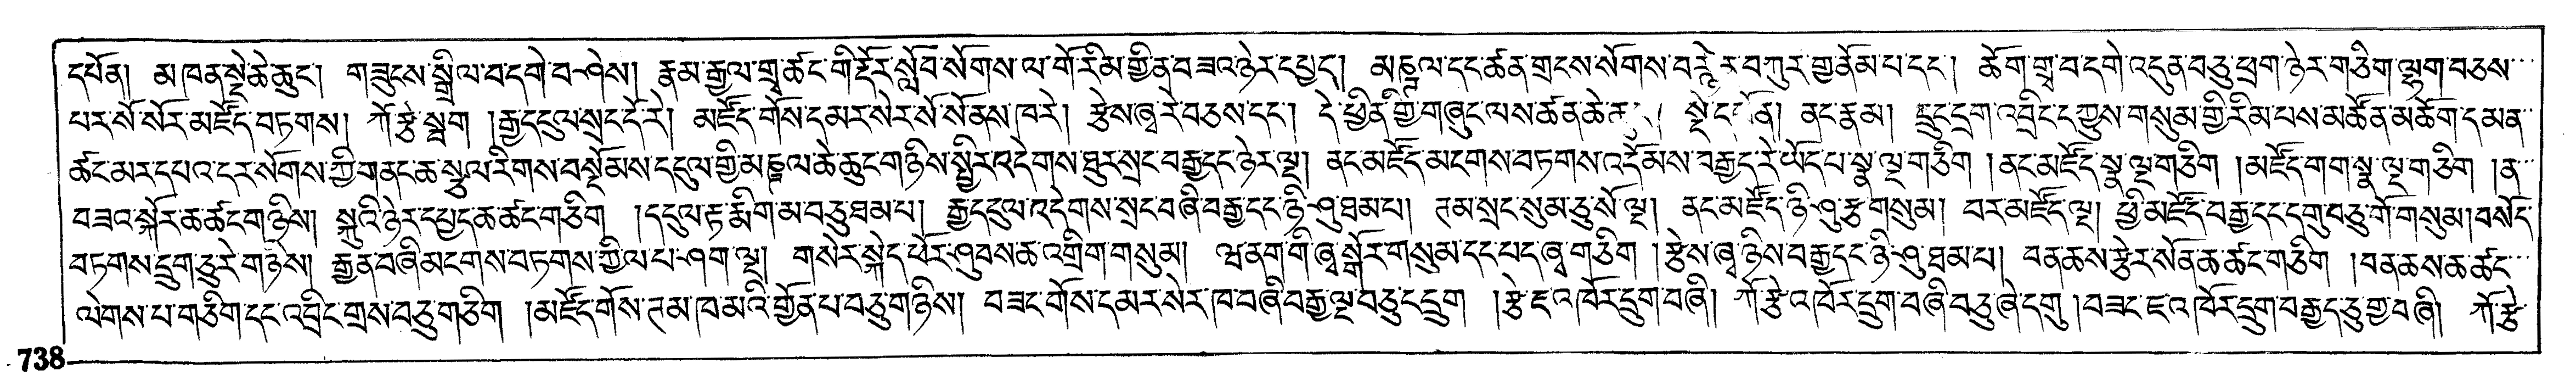དཔོན། མཁན་སྡེ་ཆེ་ཆུང་། གཟུངས་སྒྲིལ་བ་དགེ་བཤེས། རྣམ་རྒྱལ་གྲྭ་ཚང་གི་རྡོར་སློབ་སོགས་ལ་གོ་རིམ་གྱིན་བཟའ་ཉེར་དཔྱད། མཎྜལ་དང་ཚན་གྲངས་སོགས་བསྙེན་བཀུར་གྱ་ནོམ་པ་དང་། ཆོག་གྲྭ་པ་དགེ་འདུན་བཅུ་ཕྲག་ཉེར་གཅིག་ལྷག་བཅས་
པར་སོ་སོར་མཛོད་བཏགས། ཀོ་རྩེ་སྦག །རྒྱ་དངུལ་སྲང་དོ་རེ། མཛོད་གོས་དམར་སེར་སོ་སོ་ནས་ཁ་རེ། རྩེས་ཞྭ་རེ་བཅས་དང་། དེ་ཕྱིན་གྱི་གཞུང་ལས་ཚན་ཆེ་ཆུང་། སྡེ་དཔོན། ནང་རྣམ། དྲུང་དྲག་འབྲིང་དཀྱུས་གསུམ་གྱི་རིམ་པས་མཚོན་མཆོག་དམན་
ཚང་མར་དཔའ་དར་སོགས་ཀྱི་གནང་ཆ་སྩལ་རིགས་བསྡོམས་དངུལ་གྱི་མཎྜལ་ཆེ་ཆུང་གཉིས་སྤྱིར་འདེགས་ཐུར་སྲང་བརྒྱ་དང་ཉེར་ལྔ། ནང་མཛོད་མངགས་བཏགས་འདོམས་བརྒྱད་རེ་ཡོད་པ་སྣ་ལྔ་གཅིག །ནང་མཛོད་སྣ་ལྔ་གཅིག །མཛོད་གག་སྣ་ལྔ་གཅིག །ན་
བཟའ་སྐོར་ཆ་ཚང་གཉིས། སྐུའི་ཉེར་དཔྱད་ཆ་ཚང་གཅིག །དངུལ་རྟ་རྨིག་མ་བཅུ་ཐམ་པ། རྒྱ་དངུལ་འདེགས་སྲང་བཞི་བརྒྱ་དང་ཉི་ཤུ་ཐམ་པ། ཊམ་སྲང་སུམ་ཅུ་སོ་ལྔ། ནང་མཛོད་ཉི་ཤུ་རྩ་གསུམ། བར་མཛོད་ལྔ། ཕྱི་མཛོད་བརྒྱ་དང་དགུ་བཅུ་གོ་གསུམ། བསོད་
བཏགས་དྲུག་ཅུ་རེ་གཉིས། རྒྱན་བཞི་མངགས་བཏགས་ཀྱི་ལ་པ་ཤག་ལྔ། གསེར་སྐེད་ཕོར་ཤུབས་ཆ་འགྲིག་གསུམ། ཝ་ནག་གི་ཞྭ་སྒོར་གསུམ་དང་པད་ཞྭ་གཅིག །རྩེས་ཞྭ་ཉིས་བརྒྱ་དང་ཉི་ཤུ་ཐམ་པ། པཎ་ཆས་རྩེར་སོན་ཆ་ཚང་གཅིག །བན་ཆས་ཆ་ཚང་
ལེགས་པ་གཅིག་དང་འབྲིང་གྲས་བཅུ་གཅིག །མཛོད་གོས་ཊམ་ཁ་མའི་གྱོན་པ་བཅུ་གཉིས། བཟང་གོས་དམར་སེར་ཁ་བཞི་བརྒྱ་ལྔ་བཅུ་ནག་དྲུག །རྩེ་ཇ་འཁོར་དྲུག་བཞི། ཀོ་རྩེ་འཁོར་དྲུག་བཞི་བཅུ་ཞེ་དགུ །བཟང་ཇ་འཁོར་དྲུག་བརྒྱད་ཅུ་གྱ་བཞི། ཀོ་རྩེ་